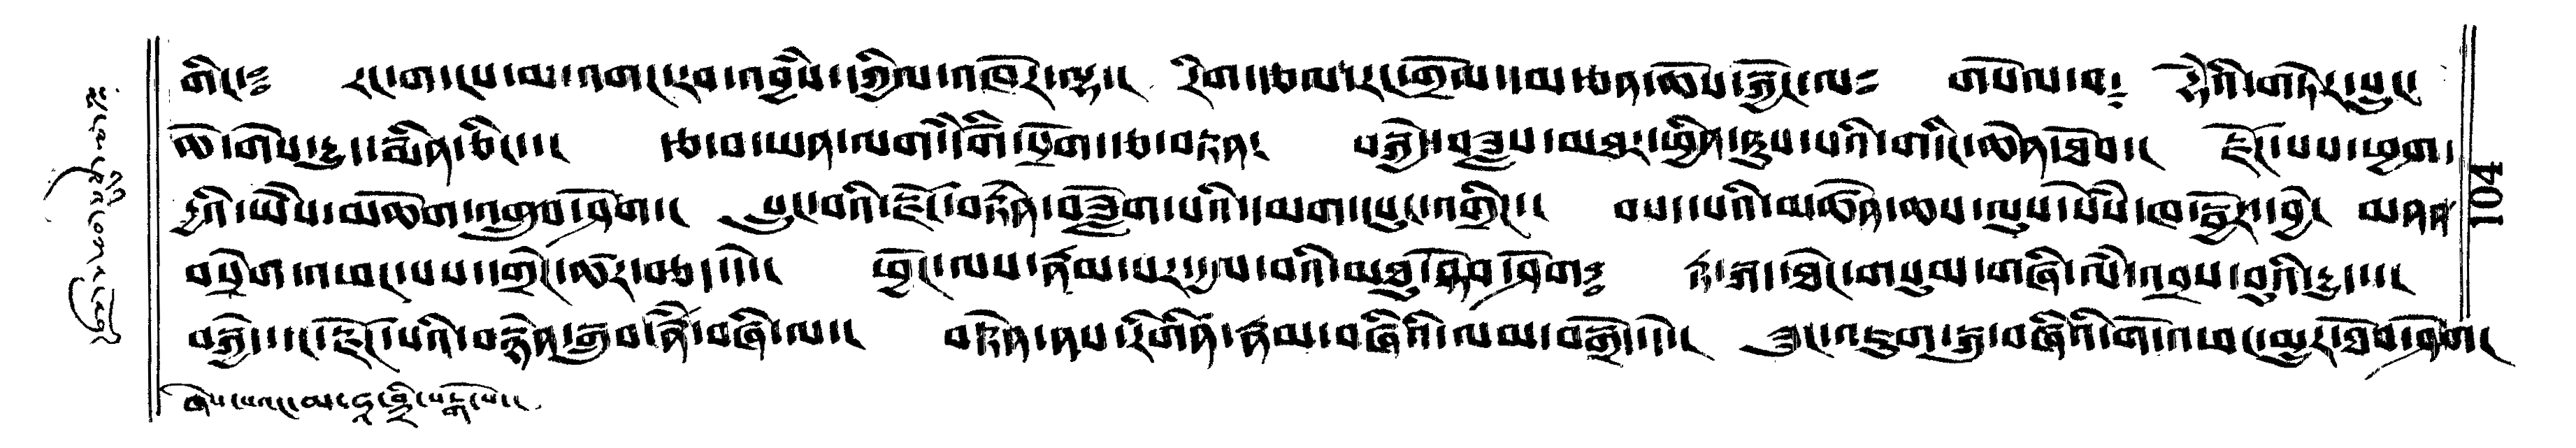གིང་། །རང་མདངས་མ་འགགས་རབ་འབྱམས་དཀྱིལ་འཁོར་ལྷ། །རིག་རྩལ་རང་གྲོལ་དམ་ཅན་ཆོས་སྐྱོང་ལ། །གསོལ་བ༴ རྡོ་རྗེའི་གཏེར་སྲུང་
ཆེ་གེའི་རྒྱུད་སྨིན་ཅིང་། །རྩ་བ་ཡན་ལག་དམ་ཚིག་སྲོག་རྩ་བརྟན། །བསྐྱེད་བཟླས་མཐར་ཕྱིན་ནུས་པའི་གདིང་ཆེན་ཐོབ། །རྫོགས་པས་ཕྱག་
རྒྱའི་ཡེ་ཤེས་མཆོག་འགྲུབ་ཤོག། སྲུང་བའི་རྫོང་བརྟན་བཟློག་པའི་དམག་དཔུང་འཁྲིགས། །བསད་པའི་མཚོན་ཆས་ལུས་སེམས་ཁ་སྦྱོར་དབྱེ། །མནན་
བསྲེགས་འཕང་པས་དགྲ་བགེགས་ཚར་བཅད་དེ། །ཕྱོགས་ལས་རྣམ་པར་རྒྱལ་བའི་མཐུ་ཐོབ་ཤོག རྟ་སྐད་ཐེངས་གསུམ་གཞི་ལམ་འབྲས་བུའི་རྒྱུད། །
བསྐྱེད་དང་རྫོགས་པའི་བསྙེན་སྒྲུབ་རྣམ་བཞི་ལ། །བརྟེན་ནས་རིག་འཛིན་རྣམ་བཞིའི་ལམ་བསྒྲོད་དེ། །ཟུང་འཇུག་སྐུ་བཞིའི་གོ་འཕང་མྱུར་ཐོབ་ཤོག། 
ཅེས་པའང་མ་ཧཱ་ཤྲཱི་སངྒསོ།།